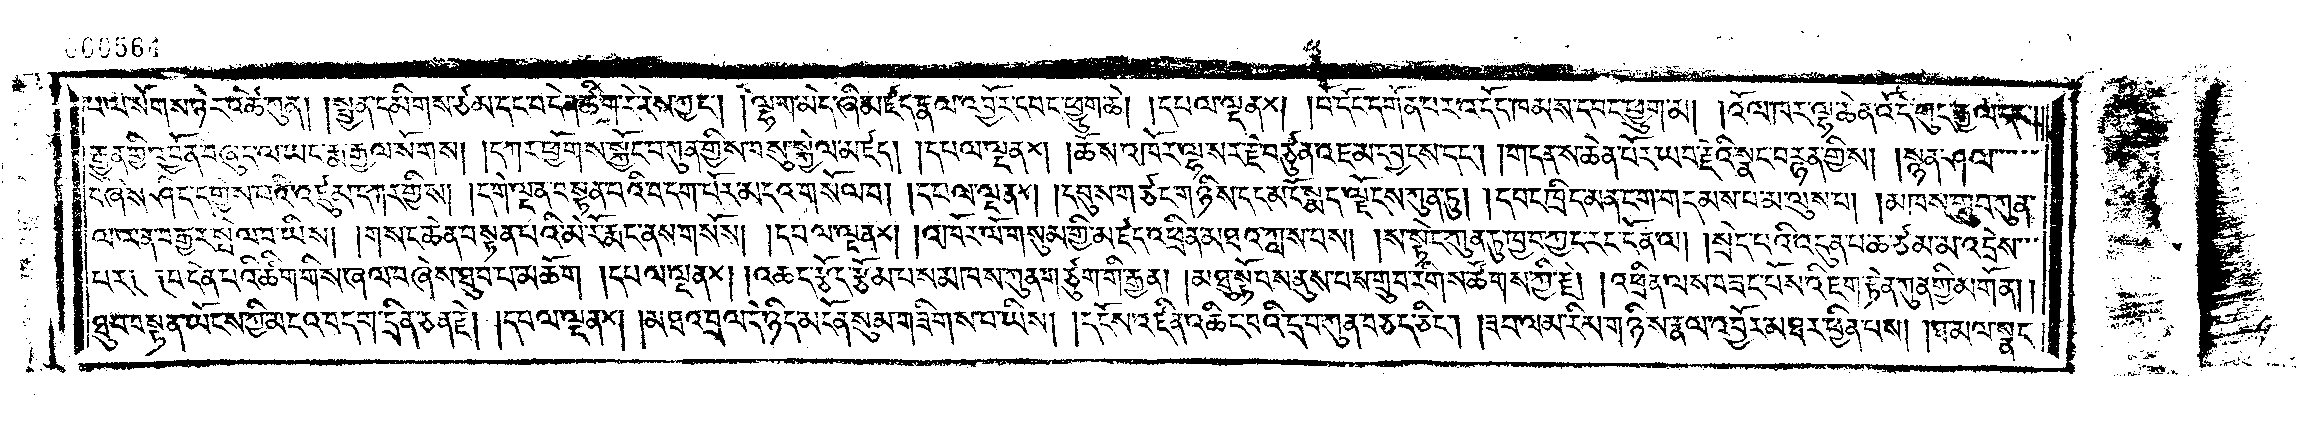པ་ལ་སོགས་ཉེར་འཚེ་ཀུན། །སྤྱན་དམིགས་ཙམ་དང་བདེན་ཚིག་རེ་རེས་ཀྱང་། །ལྷག་མེད་ཞི་མཛད་རྣལ་འབྱོར་དབང་ཕྱུག་ཆེ། །དཔལ་ལྡན་྾། །བོ་དོང་དགོན་པར་འདོད་ཁམས་དབང་ཕྱུག་མ། །འོལ་ཁར་ལྷ་ཆེན་འོ་དེ་གུང་རྒྱལ་དང།།
རྒྱུན་གྱི་འབྱོན་བཞུད་ལ་ཡང་རྨ་རྒྱལ་སོགས། །དཀར་ཕྱོགས་སྐྱོང་བ་ཀུན་གྱིས་བསུ་སྐྱེལ་མཛད། །དཔལ་ལྡན་྾། །ཆོས་འཁོར་ལྷ་སར་རྗེ་བཙུན་འཇམ་དབྱངས་དང་། །གདན་ས་ཆེན་པོར་ཡབ་རྗེའི་སྣང་བརྙན་གྱིས། །སྙན་ཤལ་
བཞེས་ཤིད་དགྱེས་པའི་འཛུམ་དཀར་གྱིས། །དགེ་ལྡན་བསྟན་པའི་བདག་པོར་མངའ་གསོལ་བ། །དཔལ་ལྡན་྾། །དབུས་གཙང་གཉིས་དང་མདོ་སྨད་ལྗོངས་ཀུན་ཏུ། །དབང་ཁྲིད་མན་ངག་གདམས་པ་མ་ལུས་པ། །མཁས་གྲུབ་ཀུན་
ལ་ལན་བརྒྱར་སྤེལ་བ་ཡིས། །གསང་ཆེན་བསྟན་པའི་མེ་རོ་རྨད་ནས་གསོས། །དཔལ་ལྡན་྾། །འཁོར་ལོ་གསུམ་གྱི་མཛད་འཕྲིན་མཐའ་ཀླས་པས། །ས་སྟེང་ཀུན་ཏུ་ཁྱབ་ཀྱང་རང་དོན་ལ། །སྲེད་པའི་འདུན་པ་ཆ་ཙམ་མ་འདྲེས་
པར༑ ༑བདེན་པའི་ཚིག་གིས་ཞལ་བཞེས་ཐུབ་པ་མཆོག །དཔལ་ལྡན་྾། །འཆད་རྩོད་རྩོམ་པས་མཁས་ཀུན་གཙུག་གི་རྒྱན། །མཐུ་སྟོབས་ནུས་པས་གྲུབ་རིགས་ཚོགས་ཀྱི་རྗེ། །འཕྲིན་ལས་བཟང་པོས་འཇིག་རྟེན་ཀུན་གྱི་མགོན། །
ཐུབ་བསྟན་ཡོངས་ཀྱི་མངའ་བདག་དྲིན་ཅན་རྗེ། །དཔལ་ལྡན་྾། །མཐའ་བྲལ་དེ་ཉིད་མངོན་སུམ་གཟིགས་པ་ཡིས། །དངོས་འཛིན་འཆིང་བའི་དྲ་བ་ཀུན་བཅད་ཅིང་། །ཟབ་ལམ་རིམ་གཉིས་རྣལ་འབྱོར་མཐར་ཕྱིན་པས། །ཐ་མལ་སྣང་